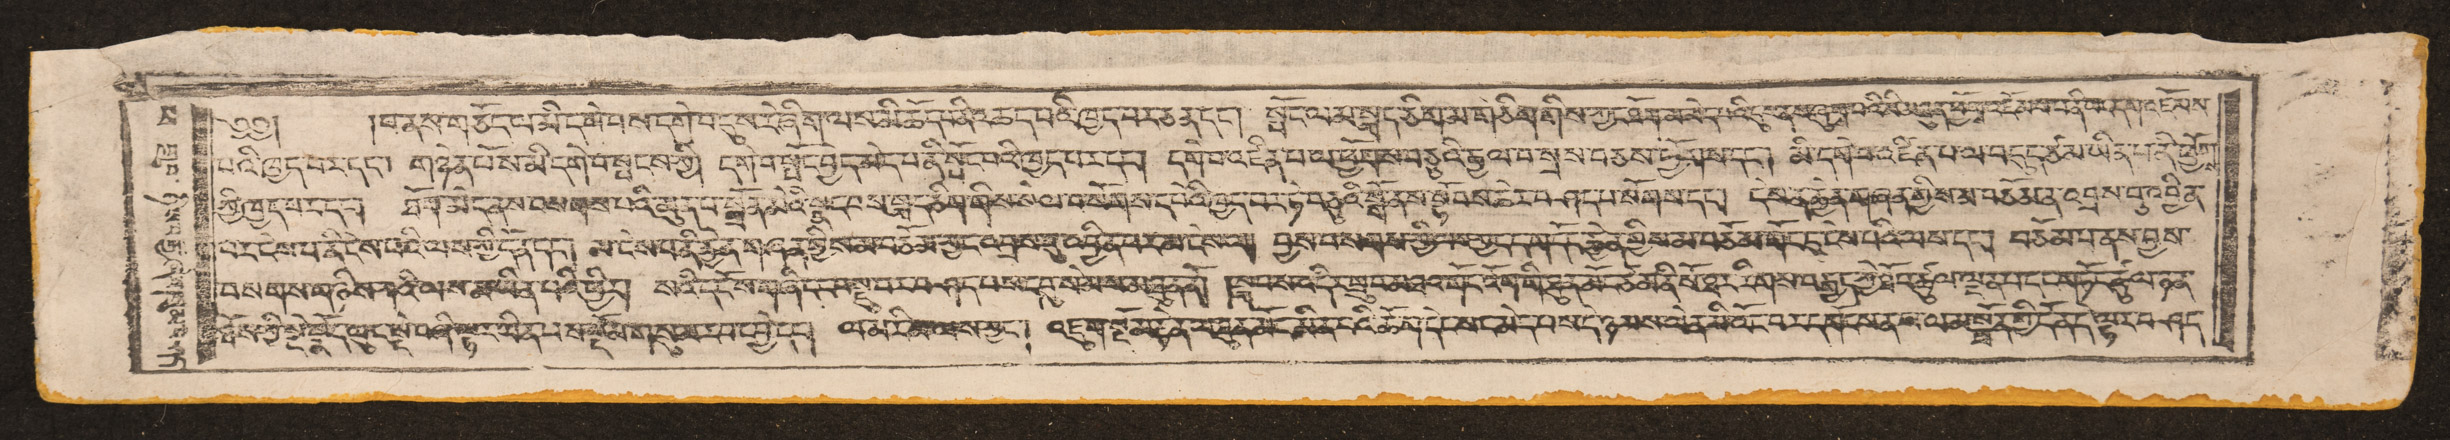༄༅། །པ་ནས་གཅོད་ལ་མི་དགེ་བས་དགེ་བ་དུས་རེ་ཞིག་ལས་མི་ཆོད་པ་ནི་འཆད་པའི་ཁྱད་པར་ཅན་དང་། སྤོང་ལམ་སྐད་ཅིག་མ་གཅིག་གིས་ཀྱང་ཐོག་མ་མེད་པའི་དུས་ནས་ཞུགས་པའི་མི་མཐུན་ཕྱོགས་འཇོམས་པ་ནི་ཡང་དག་འཇོམས
པའི་ཁྱད་པར་དང་། གཉེན་པོས་མི་དགེ་བ་སྤངས་ཀྱི། དགེ་བ་སྤོང་བྱེད་མེད་པ་ནི་སྤོང་བའི་ཁྱད་པར་དང་། དགེ་བ་འཛིན་པ་ལ་ཕྱོགས་བཅུའི་རྒྱལ་བ་སྲས་བཅས་ཕྱོགས་དང་། མི་དགེ་བ་འཛིན་པ་ལ་བདུད་ཙམ་ཡིན་པ་ནི་ཕྱོགས་
ཀྱི་ཁྱད་པར་དང་། ཐོག་མེད་ནས་བསགས་པའི་མུན་པ་སྒྲོན་མེའི་སྣང་བས་སྐད་ཅིག་གིས་སེལ་བ་སོགས་དཔེའི་ཁྱད་པར་ཏེ་བཅུའི་སྒོ་ནས་སྟོབས་ཆེར་བཤད་པ་སོགས་དང་། དེས་ན་རྐྱེན་གཞན་གྱིས་མ་བཅོམ་ན་འབྲས་བུ་འབྱིན་
པར་ངེས་པ་ནི་ངེས་པའི་ལས་ཀྱི་དེན་དང་། མ་ངེས་པ་ནི་རྐྱེན་གཞན་གྱིས་མ་བཅོམ་ཀྱང་འབྲས་བུ་འབྱིན་པར་མ་ངེས་ལ། བྱས་བསགས་ཀྱི་ལས་ཀྱང་ང་གདོང་རྐྱེན་གྱིས་མ་བཅོམ་གོང་དུ་ངེས་པའི་ལས་དང་། བཅོམ་པ་ནས་བྱས་
བསགས་གཉིས་ཀའི་ལས་མ་ཡིན་པའི་ཕྱིར། སའི་དངོས་གཞི་དང་བསྡུ་བར་བཤད་པས་དབུ་སེམས་མཐུན་ནོ། །སྐབས་འདིར་གྲུབ་མཐའ་གོང་འོག་གི་ཐུན་མོང་ཙམ་ནི་སོ་ཐར་རིགས་བརྒྱད་ཀྱི་ཐོབ་ཚུལ་ལྡན་པ་དང་གཏོང་ཚུལ་ཉན་
ཐོས་ཀྱི་སྡེ་སྣོད་ལུང་སྡེ་བཞི་ལྟར་ཡིན་པས་སྡོམ་གསུམ་རབ་དབྱེ་དང་། ལམ་རིམ་ལས་ཀྱང་། འཇུག་སྡོམ་རྟེན་ལ་ཐུན་མོང་མིན་པའི་ཆོག་དེང་སང་མེད་པས་དེ་ཉམས་ལེན་མི་འོང་བར་དགོངས་ན་ས་ལམ་སྒྲོན་གྱི་དོན་དེ་ལྟར་བཤད་